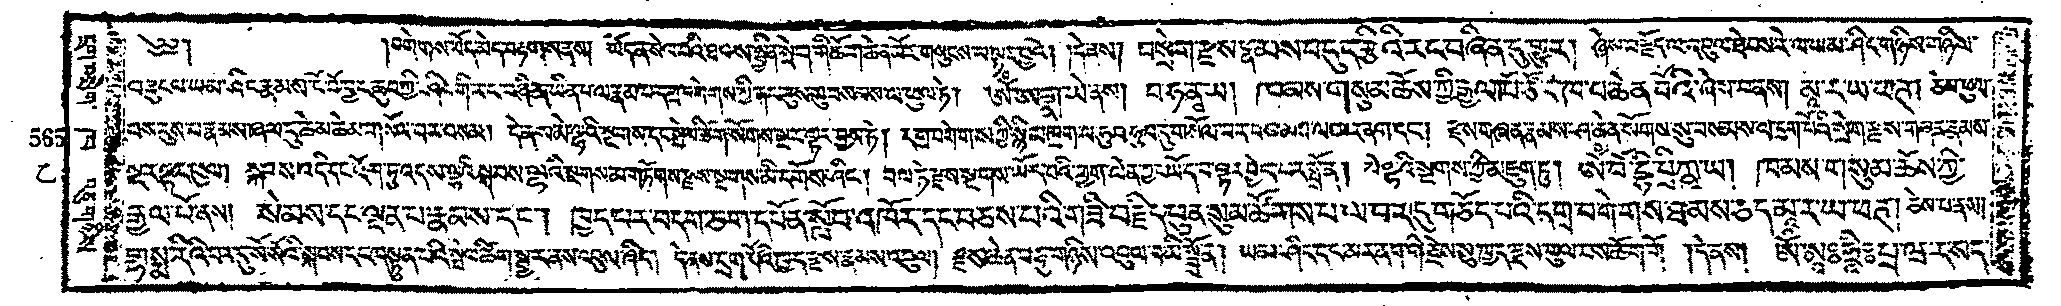༄༅། །བགེགས་ཡོད་མེད་བརྟགས་ནས། ཡོད་ན་སེལ་བའི་ཐབས་སྦྱིན་སྲེག་གི་ཆོག་ཆེན་མོར་གསུངས་པ་ལྟར་བྱའི། །དེ་ནས། བསྲེག་རྫས་རྣམས་བདུད་རྩིའི་རང་བཞིན་དུ་གྱུར། ཞེས་བརྗོད་ལ་འབུལ་ཐེབས་རེ་ལ་ཡམ་ཤིང་གཉིས་གཉིས་་་
བཟུང་ལ་ཡམ་ཤིང་རྣམས་ངོ་བོ་བྱང་ཆུབ་ཀྱི་ཤིང་གི་རང་བཞིན་ཡིན་པ་ལ་རྣམ་པ་དགྲ་བགེགས་ཀྱི་རྐང་བུས་སུ་བསམས་ལ་ཕུལ་ཏེ། ཨོཾ་ཨགན་ཡེ་ནས། བ་ཧ་ནཱ་ཡ། ཁམས་གསུམ་ཆོས་ཀྱི་རྒྱལ་པོ་ཙོང་ཁ་བ་ཆེན་པོའི་ཞེས་པ་ནས། མཱ་ར་ཡ་ཕཊ། ཅེས་ཕུལ་
བས་རུས་པ་རྣམས་ཞལ་དུ་ཆེམ་ཆེམ་གསོལ་བར་བསམ། དེ་ནས་མེ་ལྷའི་སྔགས་དང་སྤེལ་ཚིག་སོགས་སྔར་ལྟར་བྱས་ཏེ། དགྲ་བགེགས་ཀྱི་སྙིམ་ཁྲག་ལ་ཧུབ་ཧུབ་དུ་གསོལ་བར་བཅམས་ལ་མར་ནག་དང་། རྫས་གཞན་རྣམས་ཤ་ཆེན་སོགས་སུ་བསམས་ལ་དྲག་པོའི་སྲེག་རྫས་གཞན་རྣམས་
སྔར་ལྟར་ཕུལ། སྐབས་འདི་དང་འོག་ཏུ་འདས་ལྷའི་སྐབས་ལྷའི་སྔགས་མ་གཏོགས་རྫས་སྔགས་མི་དགོས་ཤིང་། བལ་ཏེ་རྫས་སྔགས་ཡོད་པའི་ཕྱག་ལེན་ཀྱང་ཡོད་པ་ལྟར་བྱེད་པར་སྤྲོན། ༧ཏཾའི་སྔགས་ཀྱི་མཇུག་ཏུ། ཨོཾ་བོ་དྷི་པྲིཀྵ་ཡ། ཁམས་གསུམ་ཆོས་ཀྱི་
རྒྱལ་པོ་ནས། སེམས་དང་ལྡན་པ་རྣམས་དང་། ཁྱད་པར་བདག་ཅག་དཔོན་སློབ་འཁོར་དང་བཅས་པའི་གཟི་བརྗིད་ཕུན་སུམ་ཚོགས་པ་ལ་བར་དུ་གཅོད་པའི་དགྲ་བགེགས་ཐམས་ཅད་མཱ་ར་ཡ་ཕཊ། ཅེས་པ་ནས།
གྷསྨ་རིའི་བར་དུ་སོ་སོའི་སྐབས་དང་བསྟུན་པའི་སྤེལ་ཚིགས་སྦྱར་ནས་འབུལ་ཞིང་། དེ་ནས་དྲག་པོའི་ཁྱད་རྫས་རྣམས་འབུལ། རྫས་ཆེན་བརྟུ་གཉིས་འབུལ་བ་མི་སྦྲོན། ཡམ་ཤིང་དང་མར་ནག་གི་རྗེས་སུ་ཁྱད་རྫས་གུལ་བས་ཆོག་གོ །དེ་ནས། ཨོཾ་ཨཱཿཧྲཱིཿཔྲ་ཝ་ར་སད་